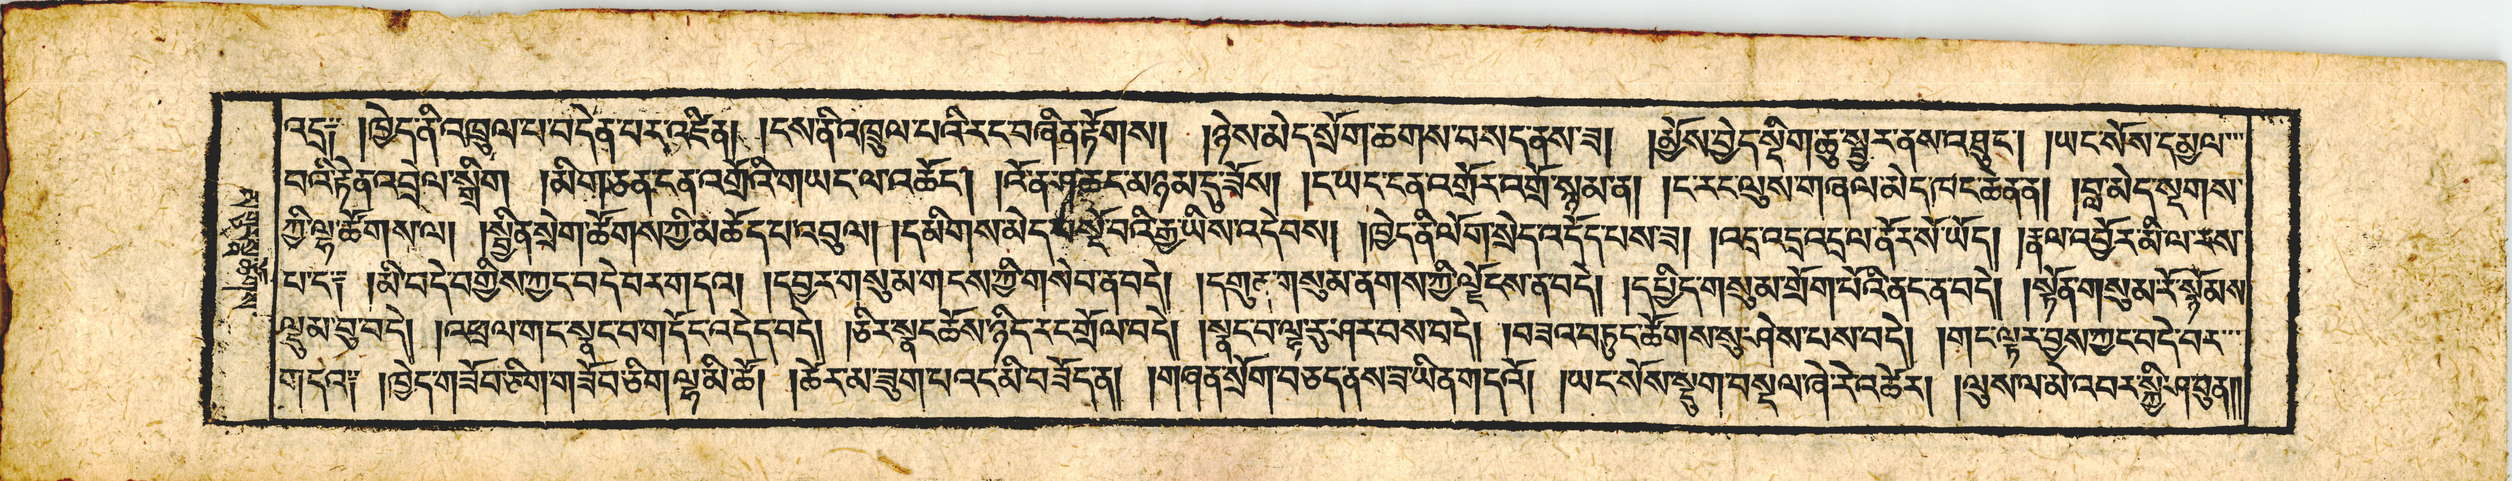འདྲ། །ཁྱེད་ནི་འཁྲུལ་པ་བདེན་པར་འཛིན། །ངས་ནི་འཁྲུལ་པའི་རང་བཞིན་རྟོགས། །ཉེས་མེད་སྲོག་ཆགས་བསད་ནས་ཟ། །མྱོས་བྱེད་སྡིག་ཆུ་སྦྱར་ནས་འཐུང་། །ཡང་སོས་དམྱལ་་
བའི་རྟེན་འབྲེལ་སྒྲིག །མིག་ཅན་ངན་འགྲོའི་གཡང་ལ་འཆོང་། །འོ་ན་ཤ་ཆང་མཉམ་དུ་ཟོས། །ང་ཡང་ངན་འགྲོར་འགྲོ་སྙམ་ན། །ང་རང་ལུས་གཞལ་མེད་ཁང་ཆེན་ན། །བླ་མེད་སྔགས་
ཀྱི་ལྷ་ཚོགས་ལ། །སྦྱིན་སྲེག་ཚོགས་ཀྱི་མཆོད་པ་འབུལ། །དམིགས་མེད་བསྔོ་བའི་རྒྱ་ཡིས་འདེབས། །ཁྱེད་ནི་ལོག་སྲེད་འདོད་པས་ཟ། །འདྲ་འདྲ་འདྲལ་ནོར་སོ་ཡོད། །རྣལ་འབྱོར་མི་ལ་རས་
པ་ང་། །མི་བདེ་བགྱིས་ཀྱང་བདེ་བར་གདའ། །དབྱར་གསུམ་གངས་ཀྱི་གསེབ་ན་བདེ། །དགུན་གསུམ་ནགས་ཀྱི་ལྗོངས་ན་བདེ། །དཔྱིད་གསུམ་གྲོག་པོའི་ནང་ན་བདེ། །སྟོན་གསུམ་རོ་སྙོམས་
ལྡུམ་བུ་བདེ། །འཕྲལ་གང་སྣང་བ་གདོང་འདེད་བདེ། །ཅིར་སྣང་ཆོས་ཉིད་རང་གྲོལ་བདེ། །སྣང་བ་ལྷ་རུ་ཤར་བས་བདེ། །བཟའ་བཏུང་ཚོགས་སུ་ཤེས་པས་བདེ། །གང་ལྟར་བྱས་ཀྱང་བདེ་བར་
གདའ༑ །ཁྱེད་གཟོབ་ཅིག་གཟོབ་ཅིག་ལྷ་མི་ཚོ། །ཚེར་མ་ཟུག་པའང་མི་བཟོདན། །གཞན་སྲོག་བཅད་ནས་ཟ་ཡིན་གདའོ། །ཡང་སོས་སྡུག་བསྡལ་ཞེ་རེ་འཚེར། །ལུས་ལ་མེ་འབར་སྐྱི་ཤ་བུན།།